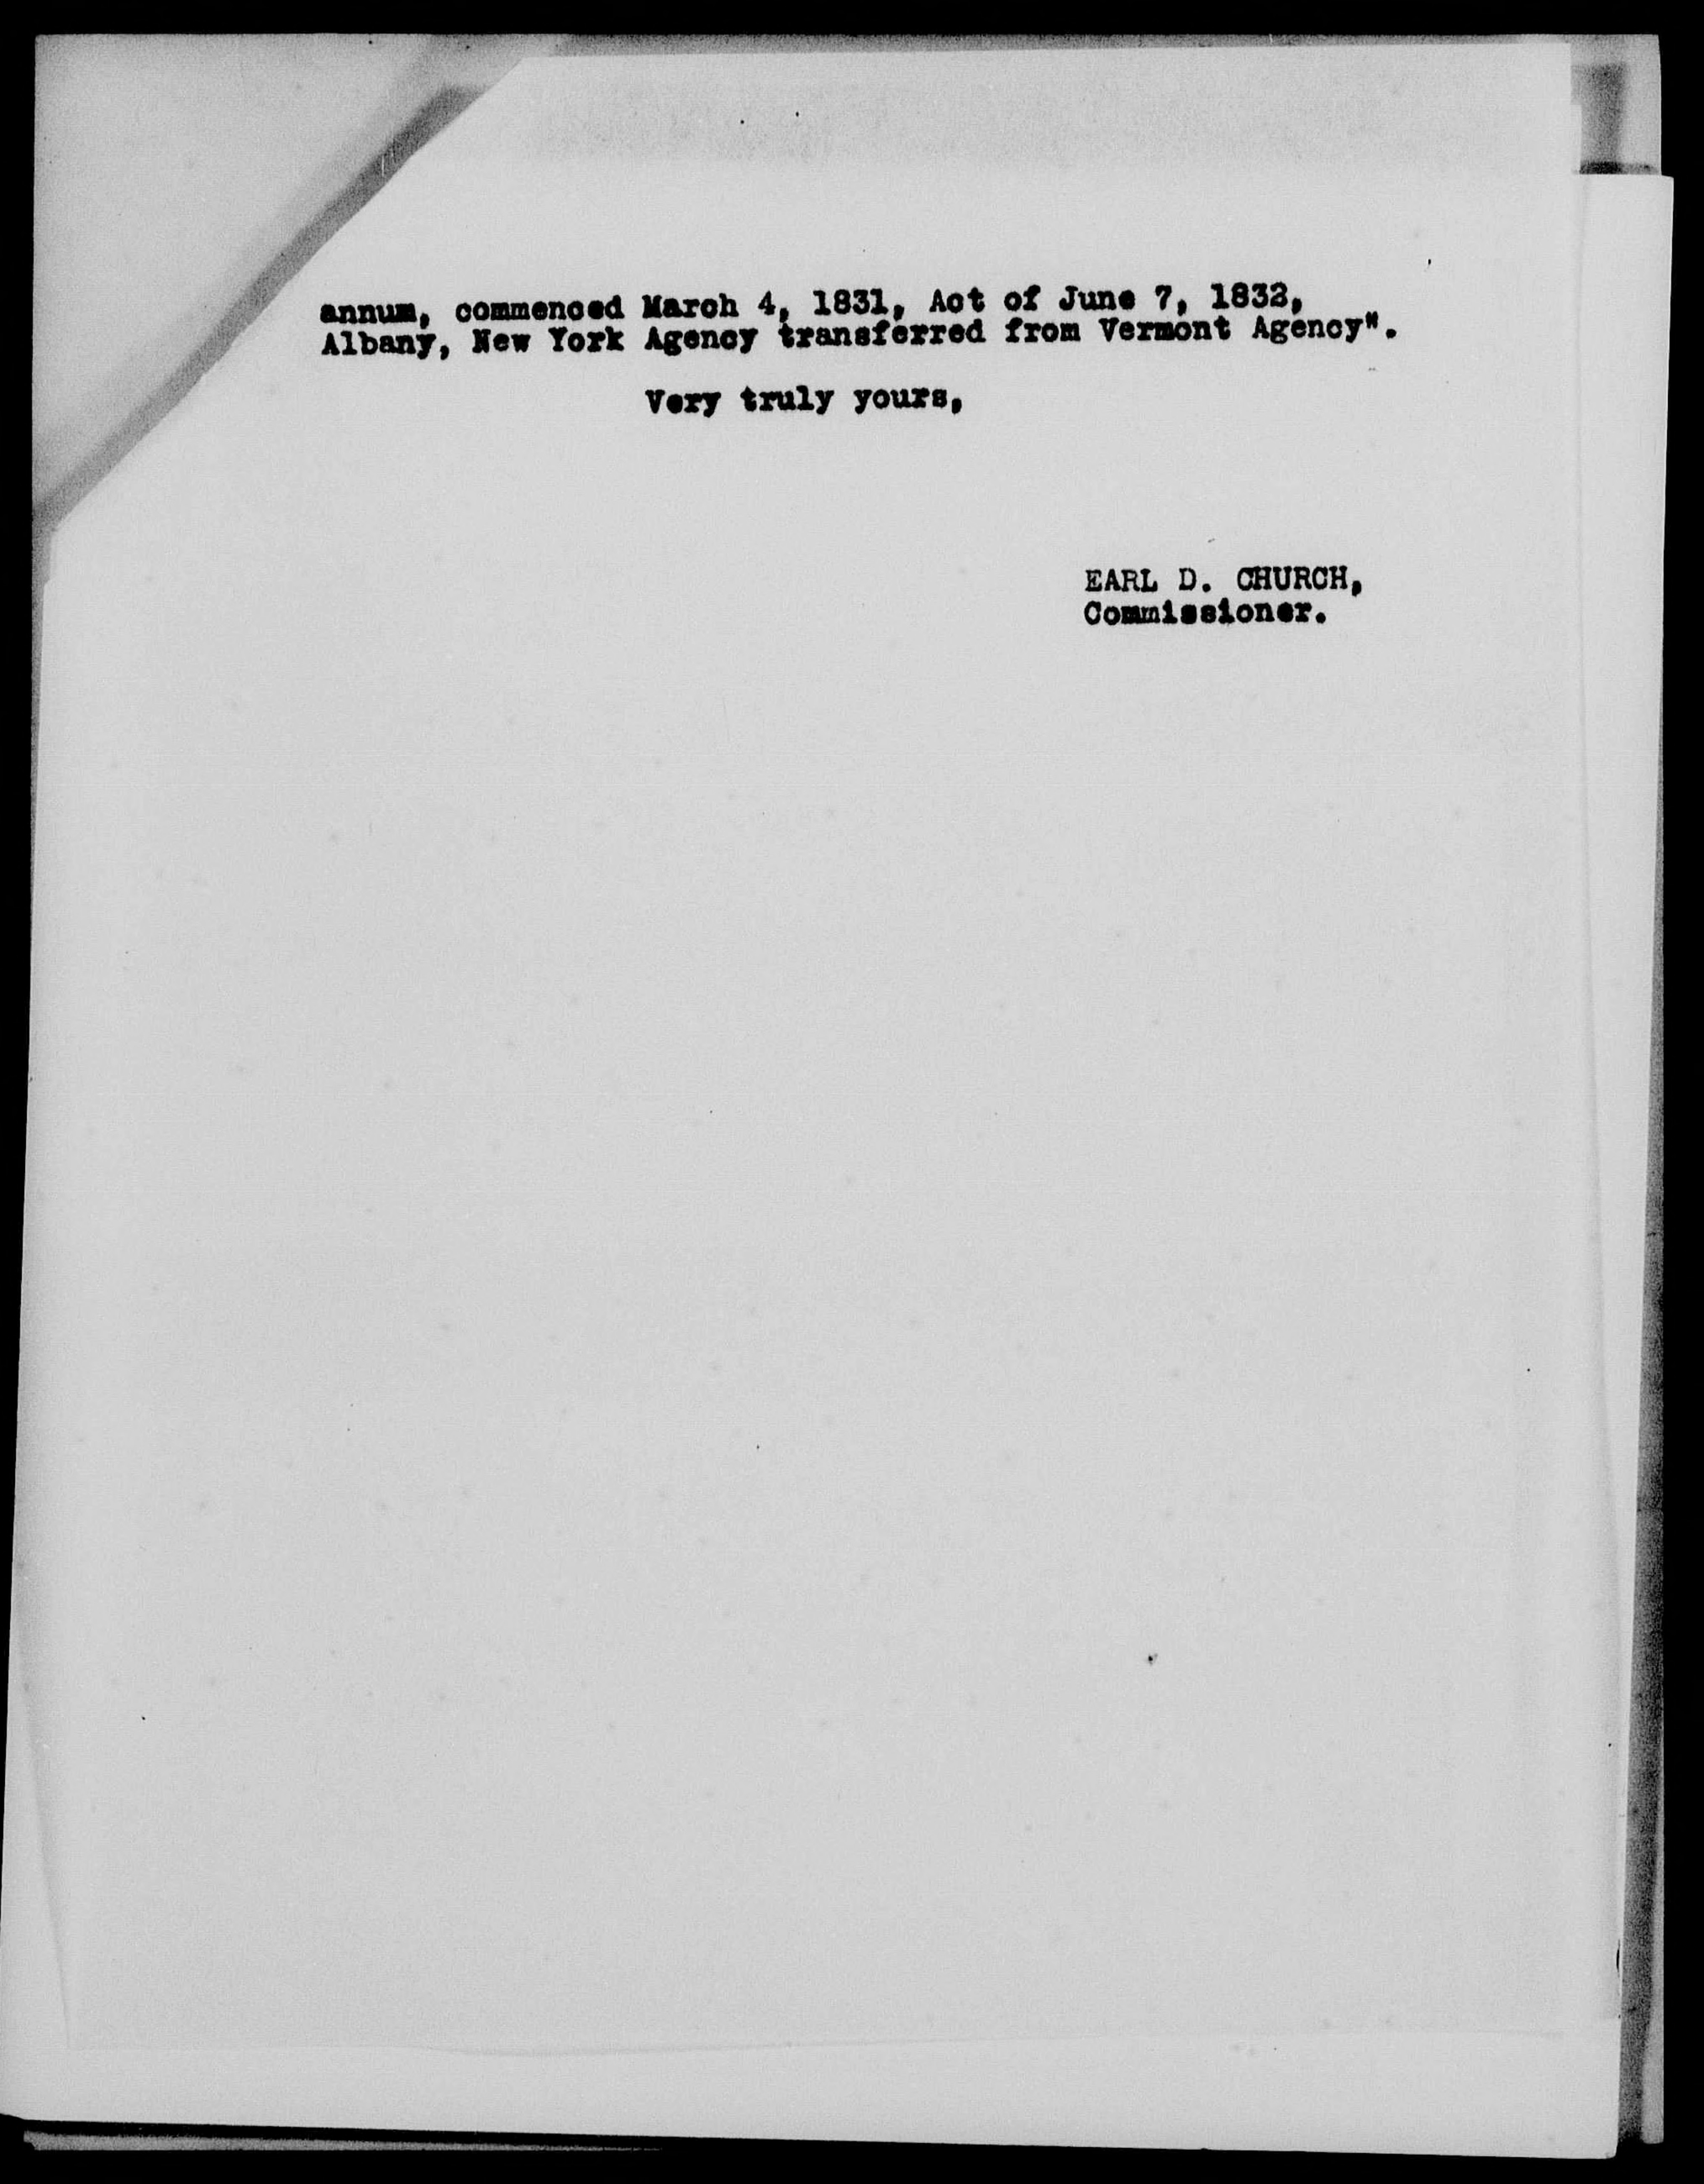annum, commenced March 4, 1831, Act of June 7, 1832, Albany, New York Agency transferred from Vermont Agency"
Very truly yours,
EARL D. CHURCH,
Commissioner.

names: Earl D Church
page: 11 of 34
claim: survivor's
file: S. 13944, for Richard Miner, Massachusetts